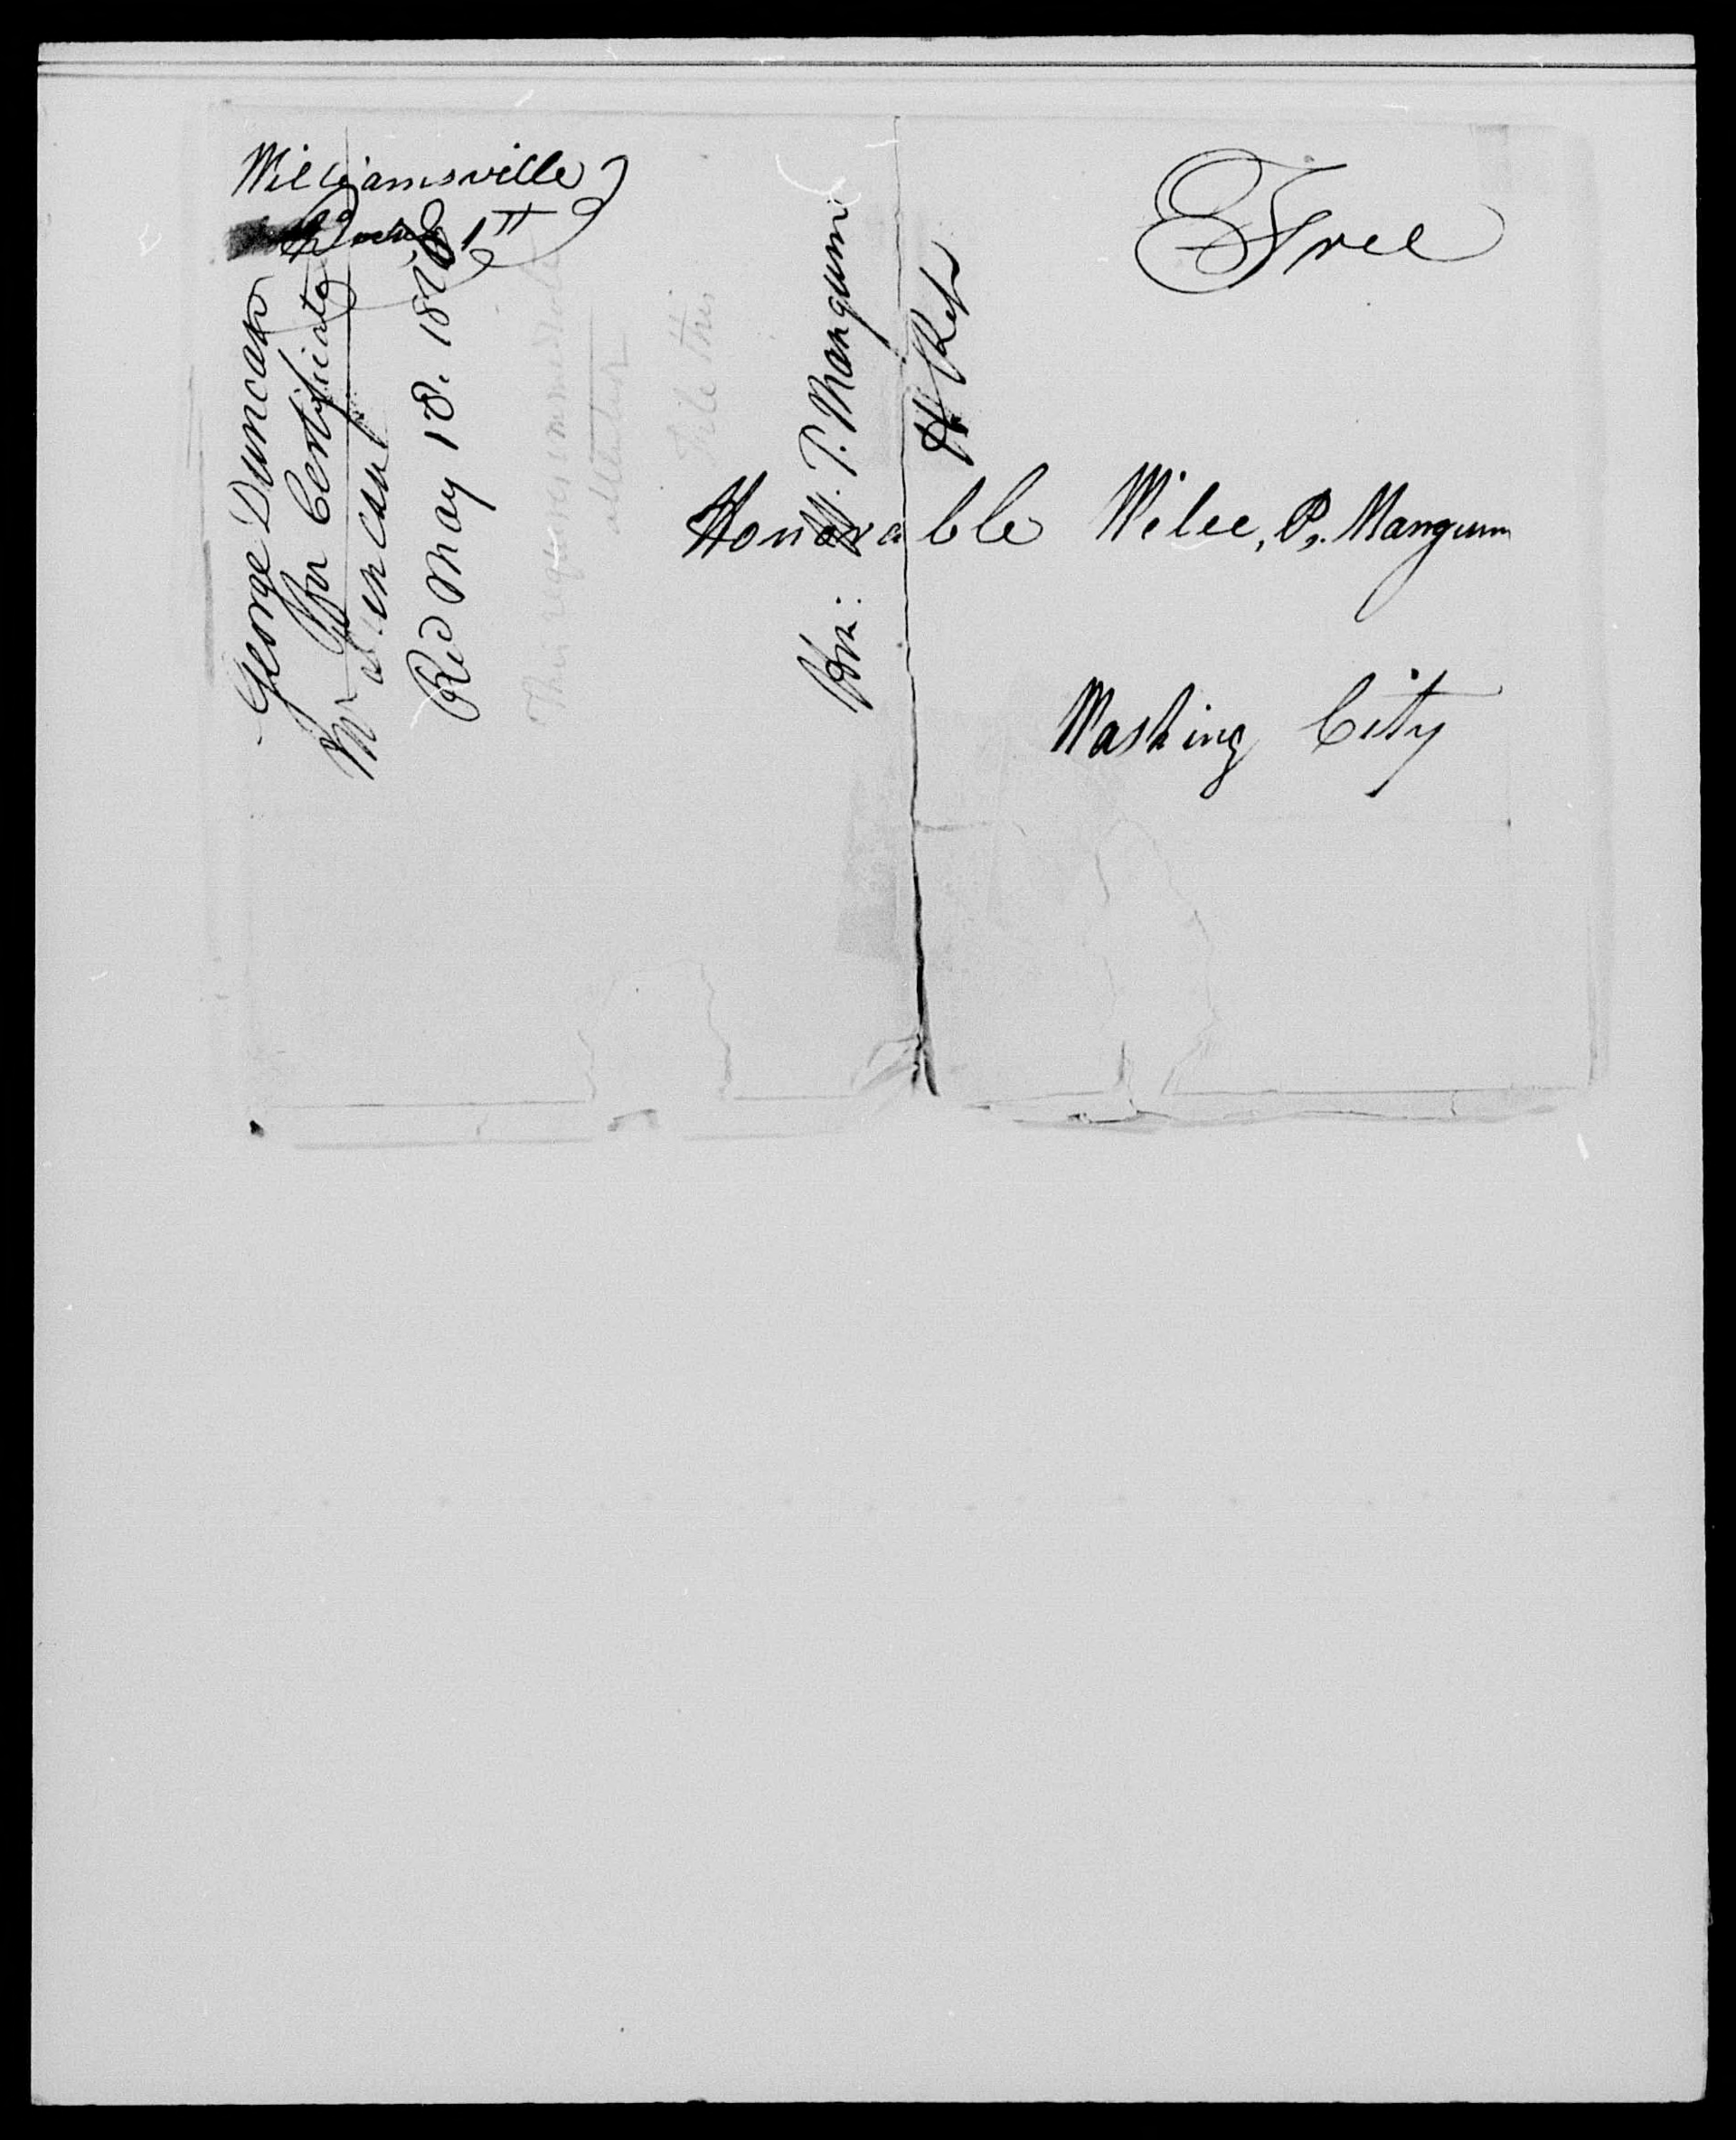Williamsville
(illegible)


George Duncan
for certificate
Mr. Duncan
Recd May 18, 1820

Free
Honorable Wilee, P. Mangum
Washing City


Hon: W. P. Mangum
H. Rep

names: W P Mangum, W P Mangum, George Duncan, Wilee P Mangum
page: 24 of 49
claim: survivor's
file: S. 41513, George Duncan, N.C.